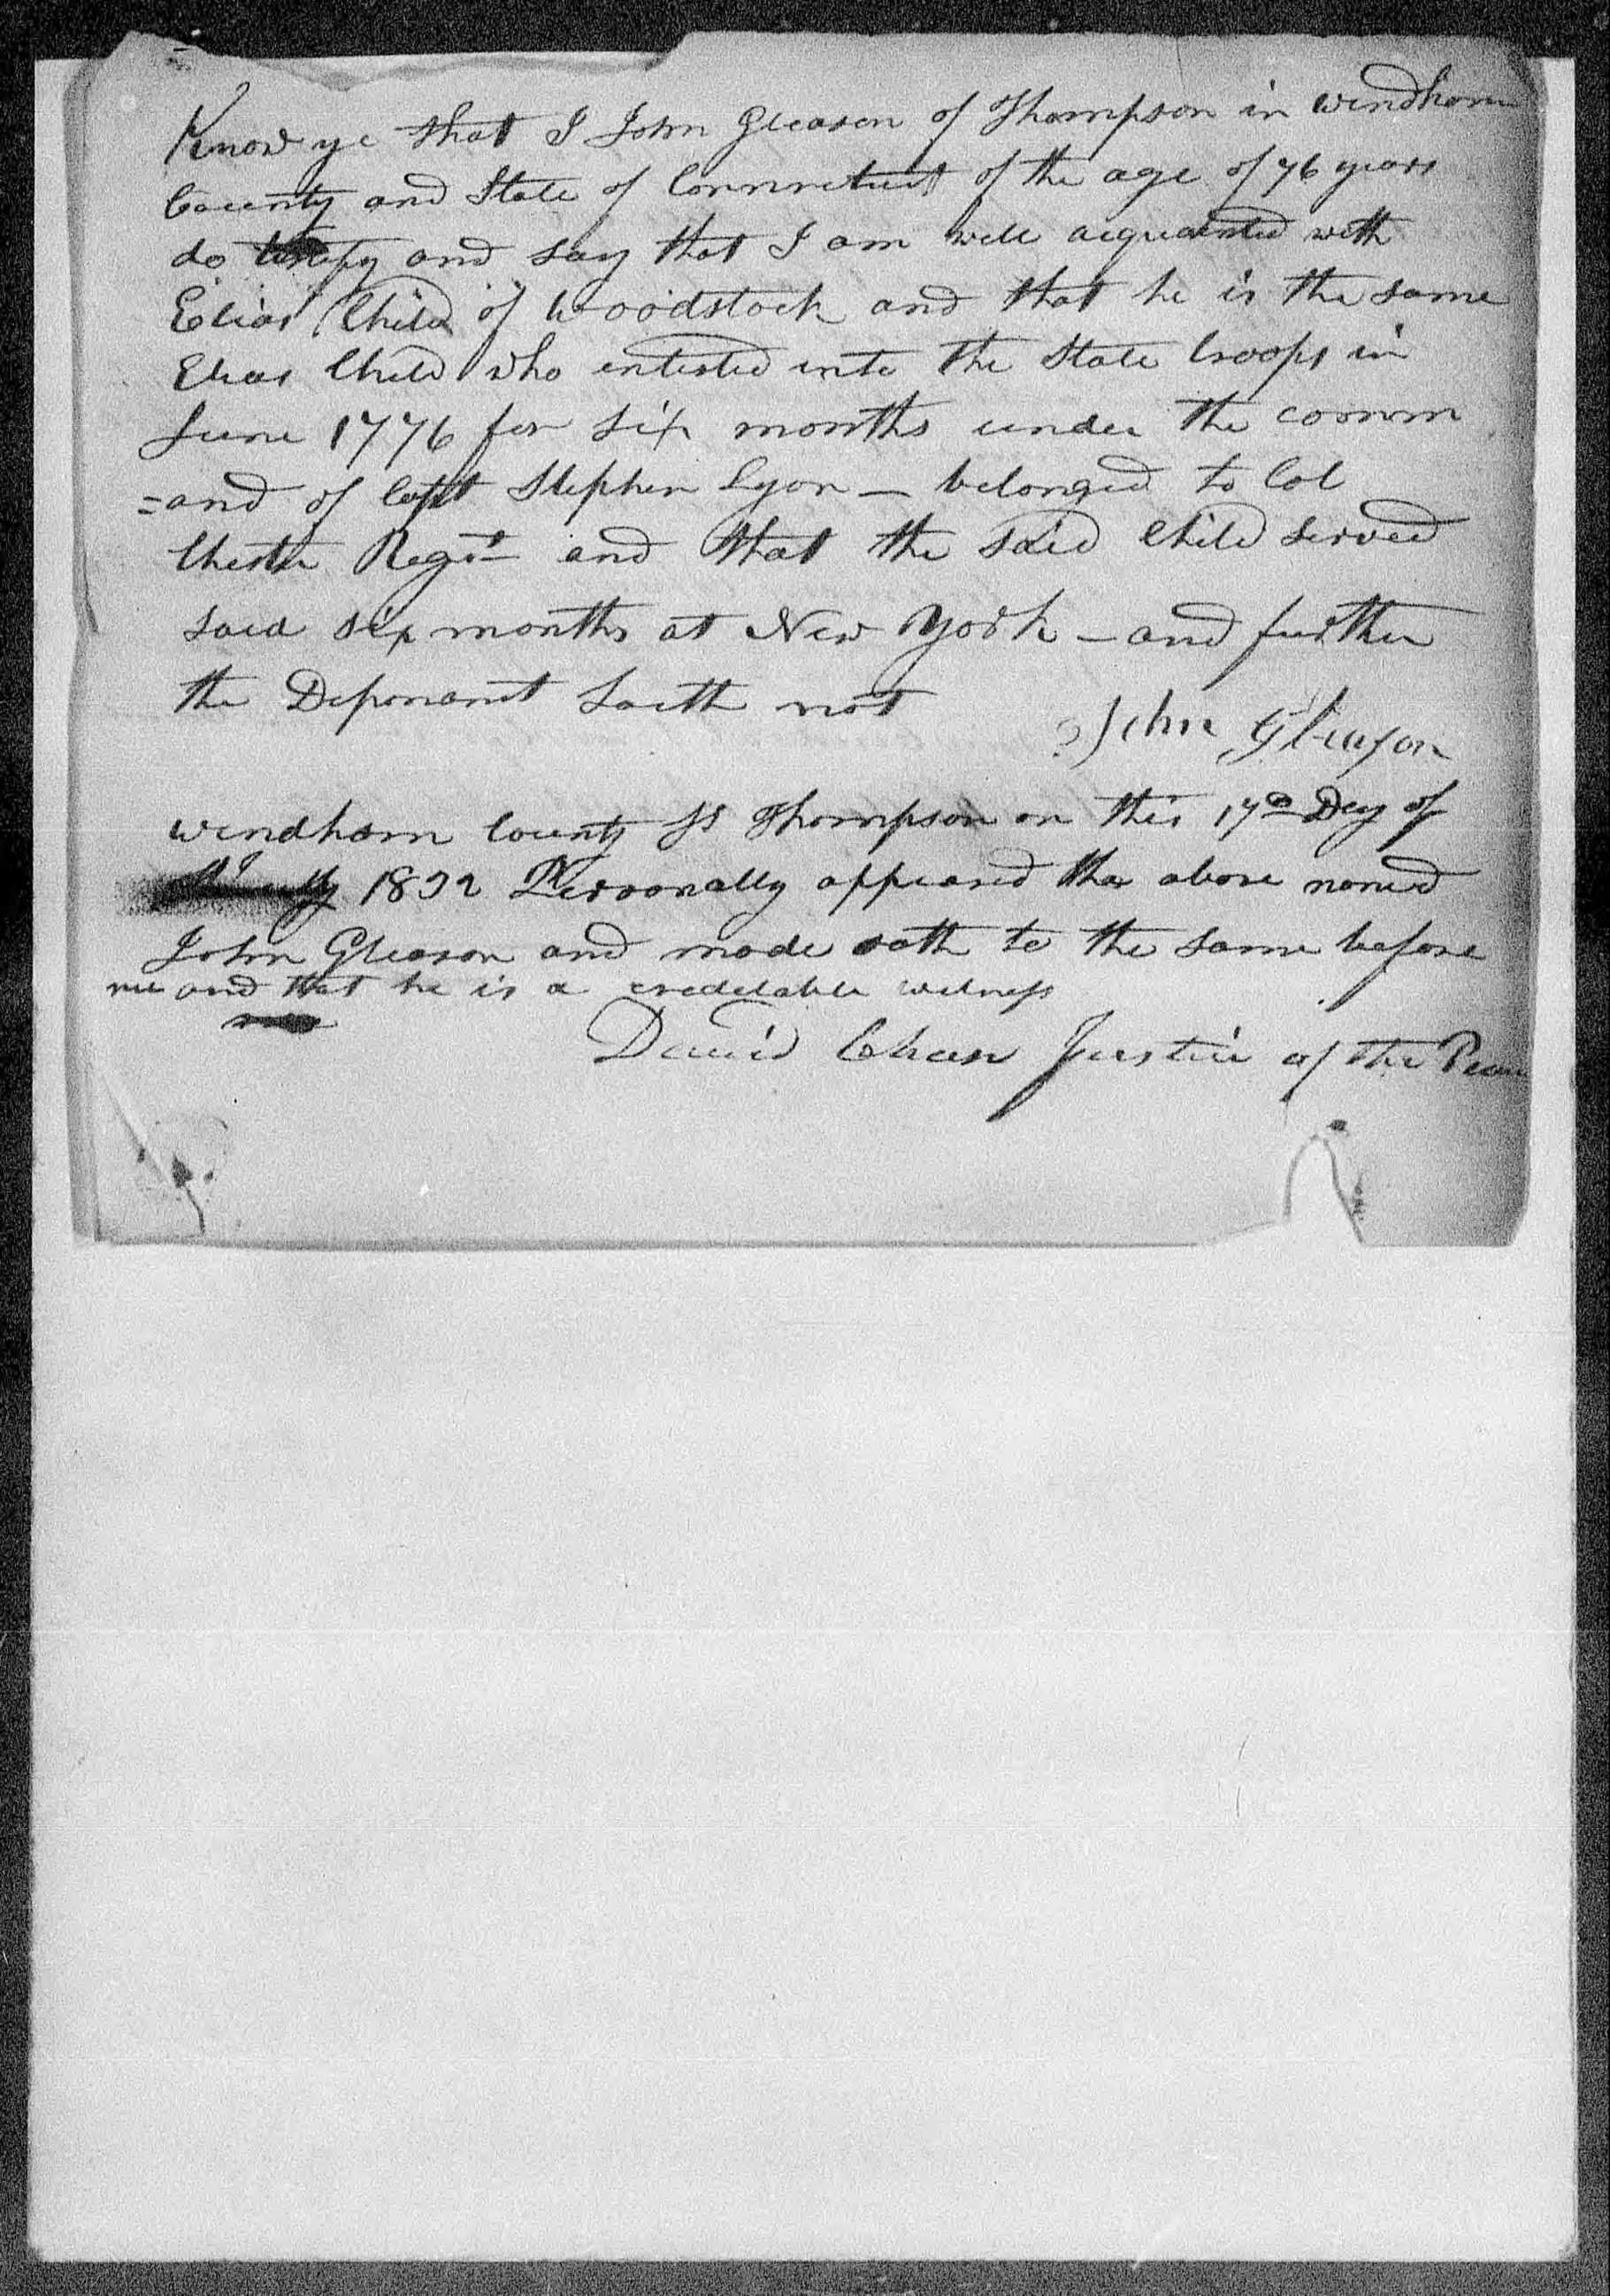Knowledge that I John Gleason of Thompson in Windham County and State of Connecticut of the age of 76 years do testify and say that I am well acquainted with Elias Child of Woodstock and that he is the same Elias Child who enlisted into the state troops in June 1776 for six months under the command of Capt Stephen Lyon - belonged to Col Chester Regt and that the said Child served said six months at New York - and further the deponant fourth wit
John Gleason
Windham County SS Thompson on this 17 th day of 1832 personally appeared the above named John Gleason and made oath to the same before me and that he is a credible witness.
David Chester Justice of the Peace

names: Stephen Lyon, Child, David Chase, John Gleason, John Gleason, John Gleason, Elias Child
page: 18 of 34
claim: survivor's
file: S. 31,605, Elias Child, Conn.